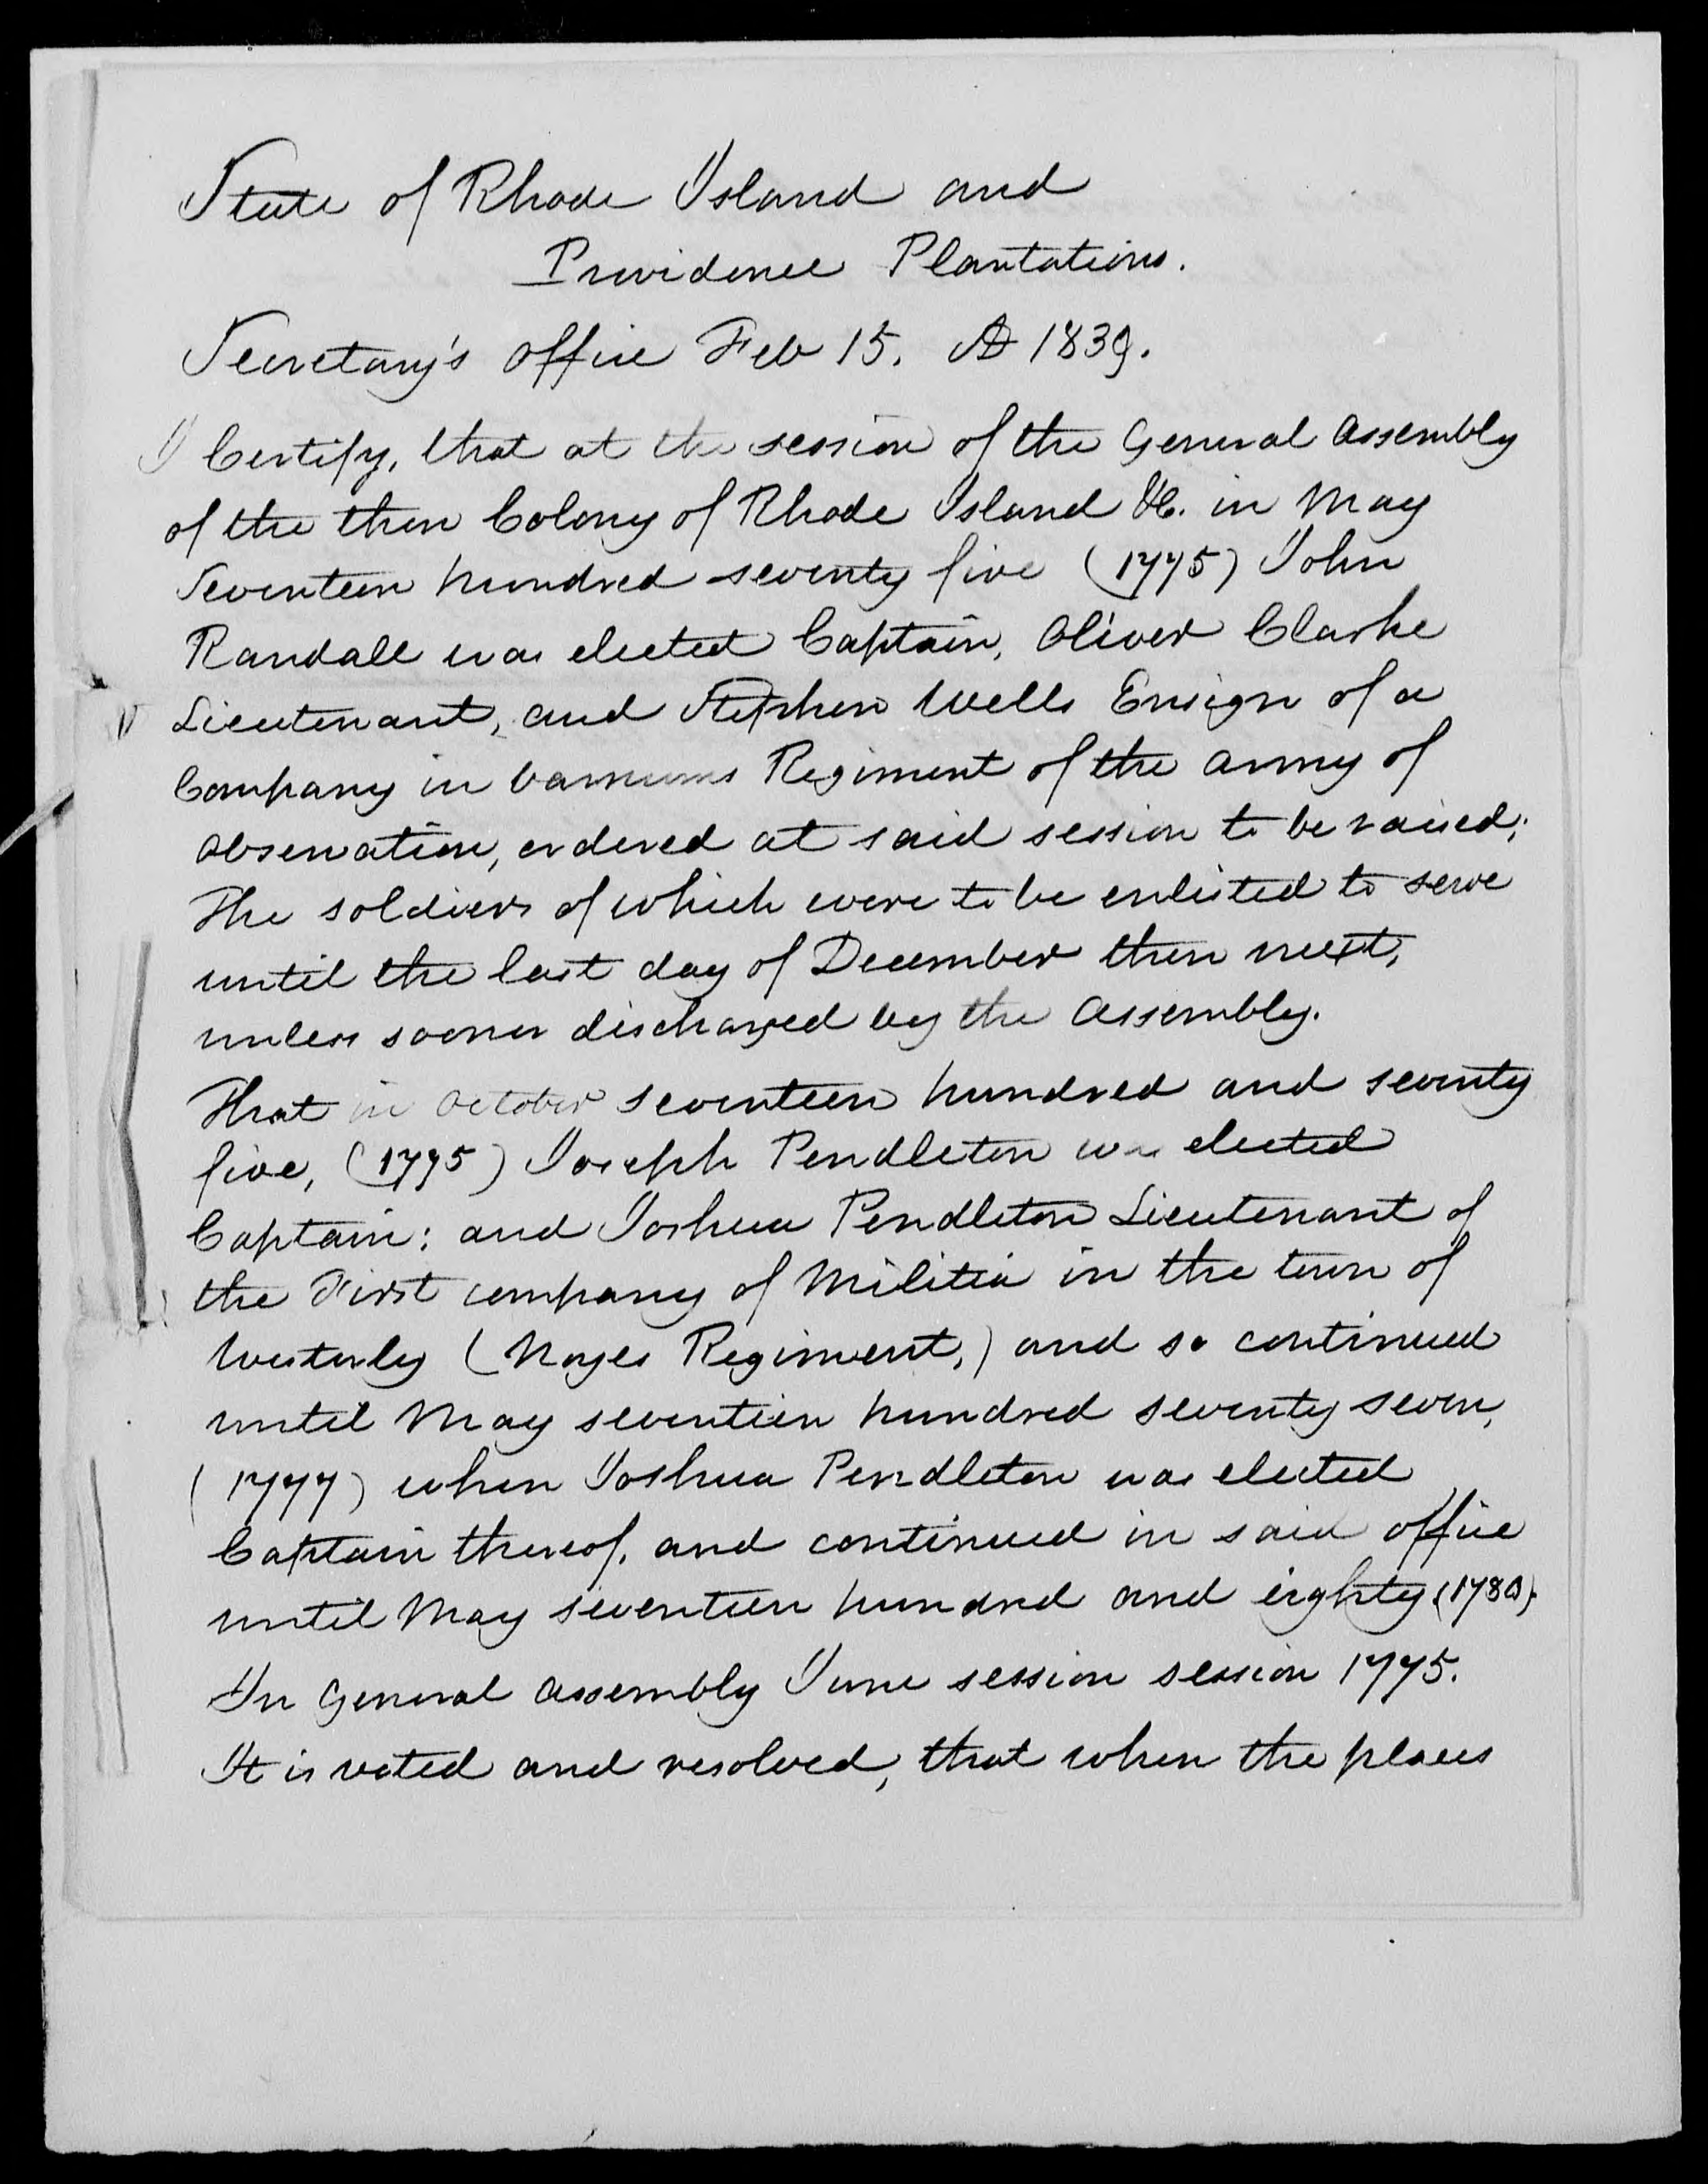State of Rhode Island and Providence Plantations
Secretary's Office Feb 15, AD 1839
I certify, that at the session of the General Assembly of the then Colony of Rhode Island &c. in May seventeen hundred seventy five (1775) John Randall was elected Captain, Oliver Clarke Lieutenant, and Stephen Wells Ensign of a company in Varnums Regiment of the army of observation, ordered at said session to be raised;. The soldiers of which were to be enlisted to serve until the last day of December then next, unless sooner discharged by the assembly. That in October seventeen hundred and seventy five (1775) Joseph Pendleton was elected Captain; and Joshua Pendleton Lieutenant of the First company of militia in the town of Westerly (Noyes Regiment) and so continued until May seventeen hundred seventy seven (1777) when Joshua Pendleton was elected Captain thereof, and continued in said office until May seventeen hundred and eighty (1780). In general assembly June session session 1775. It is voted and resolved, that when the places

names: Oliver Clarke, Joshua Pendleton, John Randall, Joshua Pendleton, Joseph Pendleton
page: 34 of 48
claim: widow's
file: W. 17,628, Arnold Clarke, R.I.